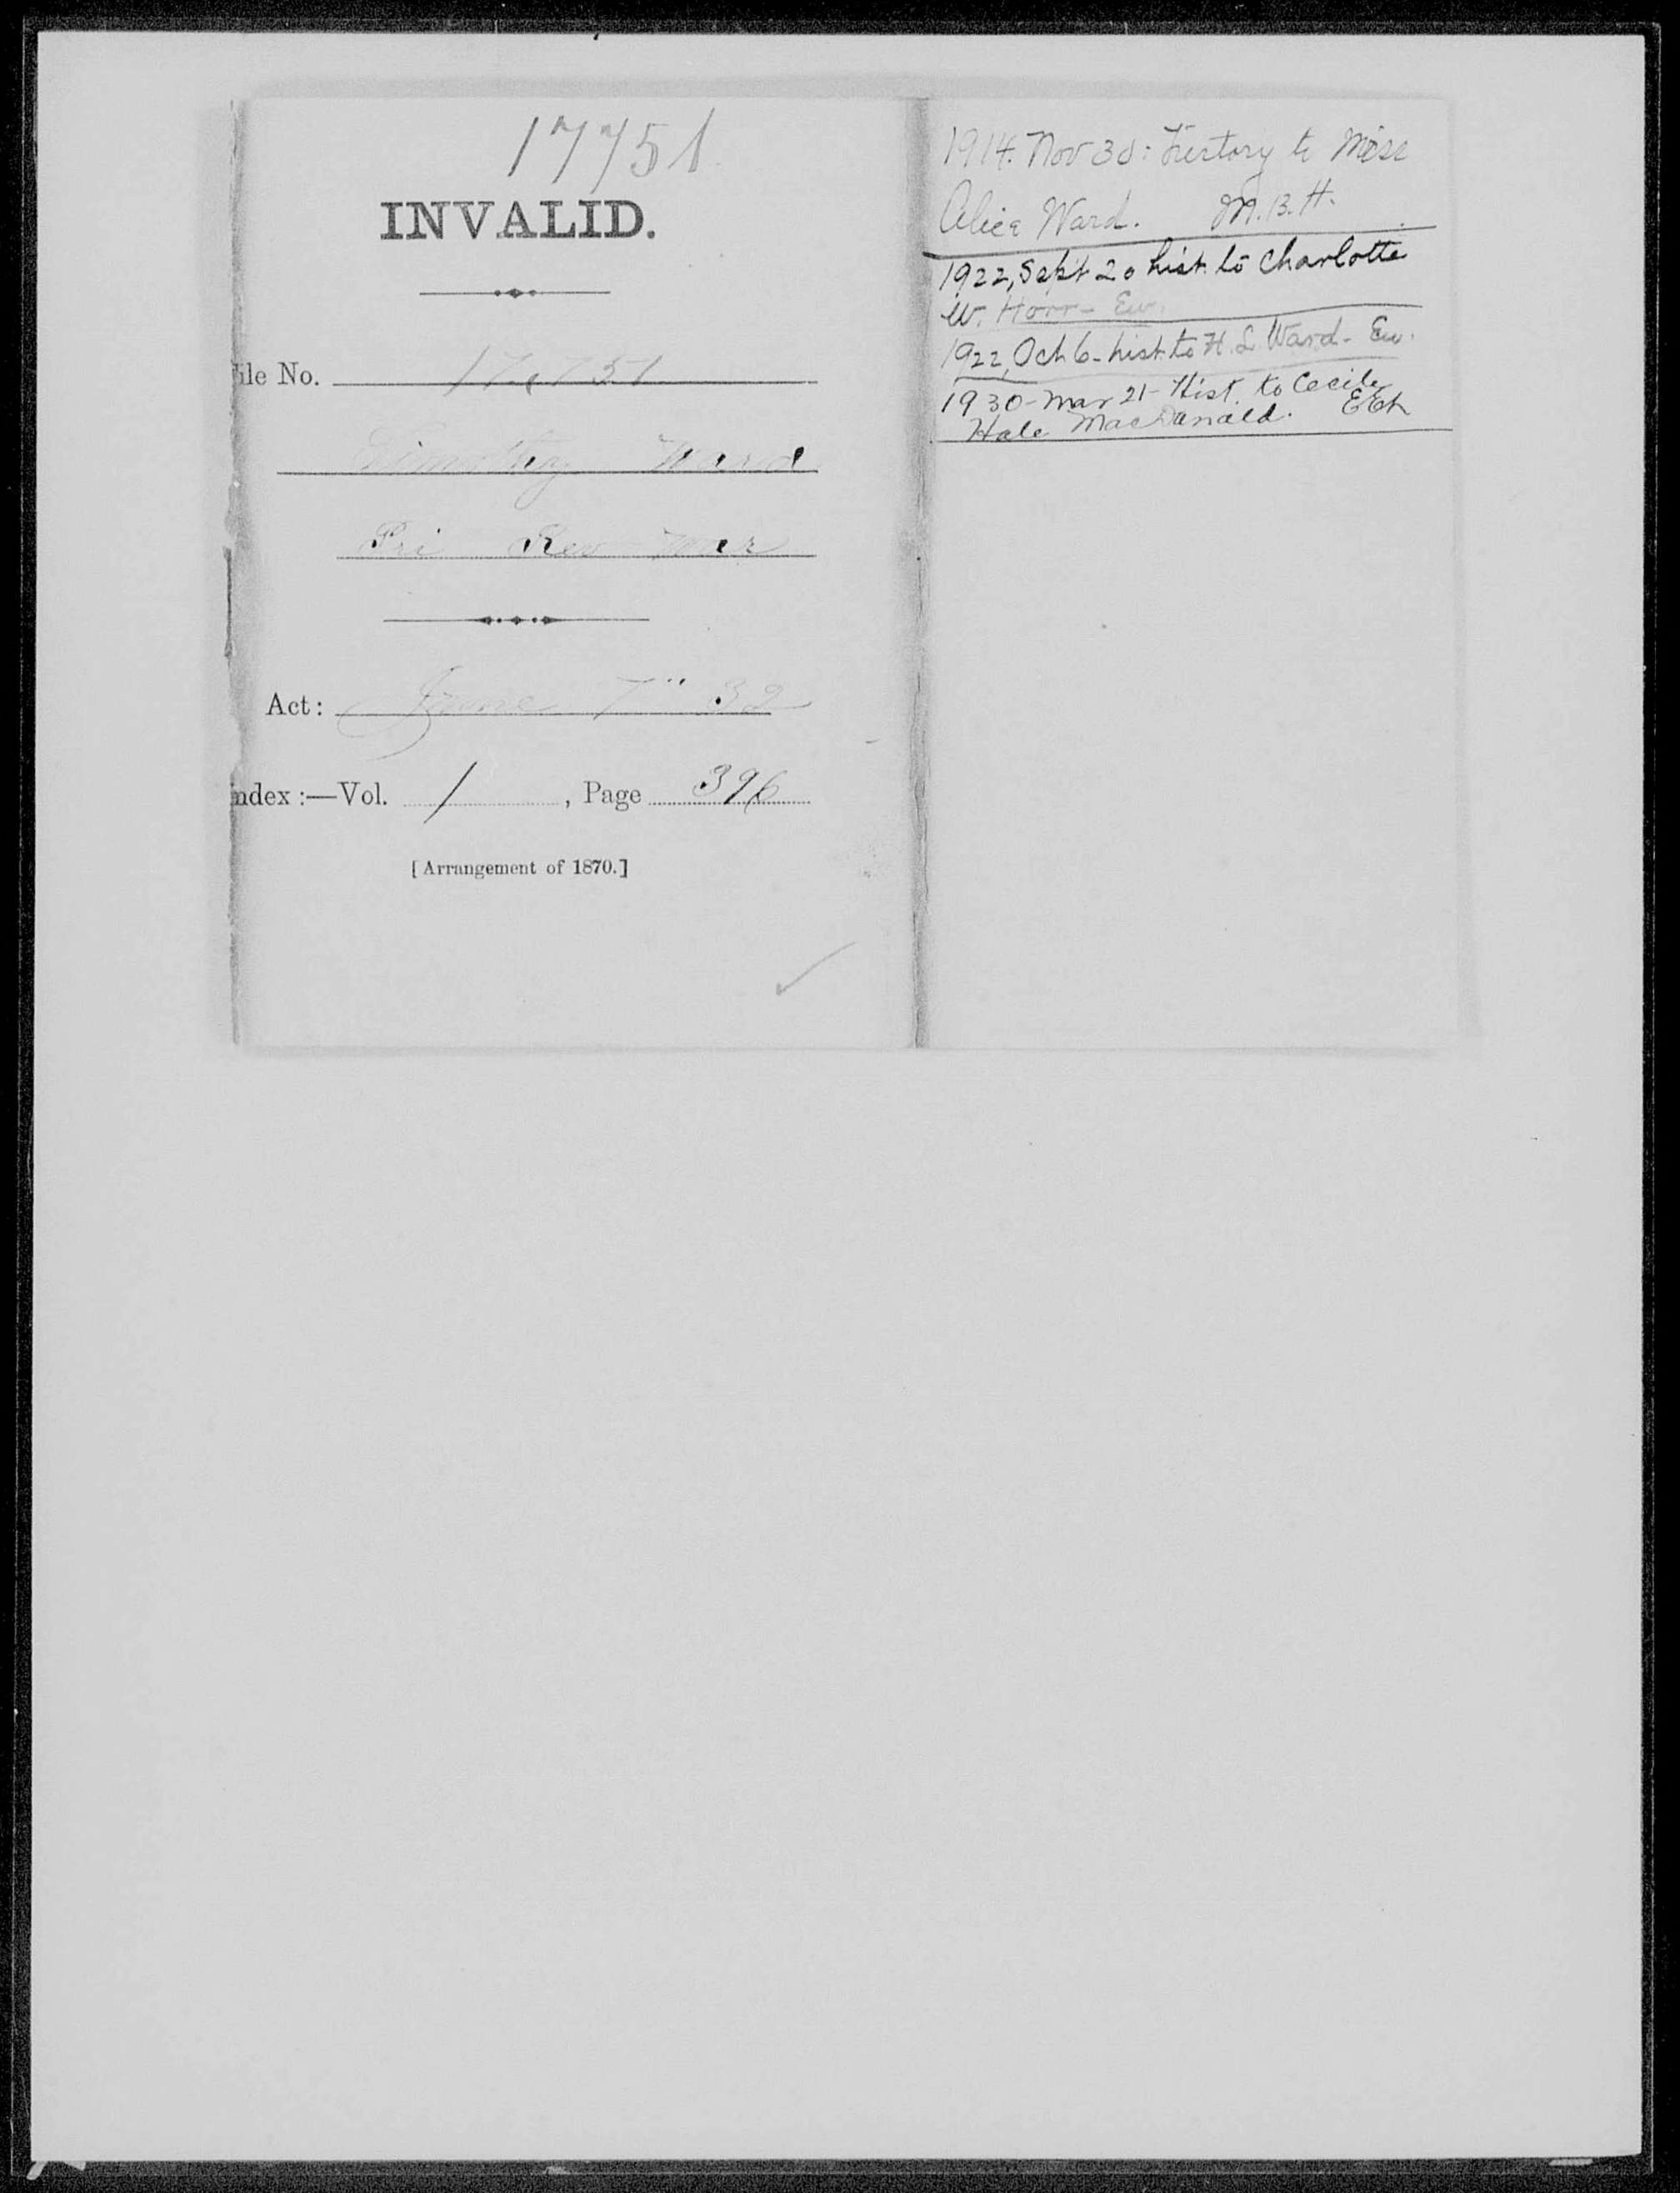17751.
INVALID.

File No.  17,751
Timothy Ward
Pri. Rev.  War

Act:  June 7"  32

Index: -- Vol.  1,  Page   396

[Arrangement of 1870.]


1914. Nov 30:  Hist to Miss Alice Ward.  M.B.H.

1922, Sept 20  hist to Charlotte W. Horr - Eee.

1922, Oct 6 - hist to H.L. Ward -  Eev.

1930 - Mar 21 -  Hist to Cecile Hale MacDonald.  EEt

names: Timothy Ward, Charlotte W Horr, H L Ward, Alice Ward, Cecile Hale Mac Donald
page: 9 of 24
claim: survivor's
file: S. 17751, Timothy Ward, New Jersey